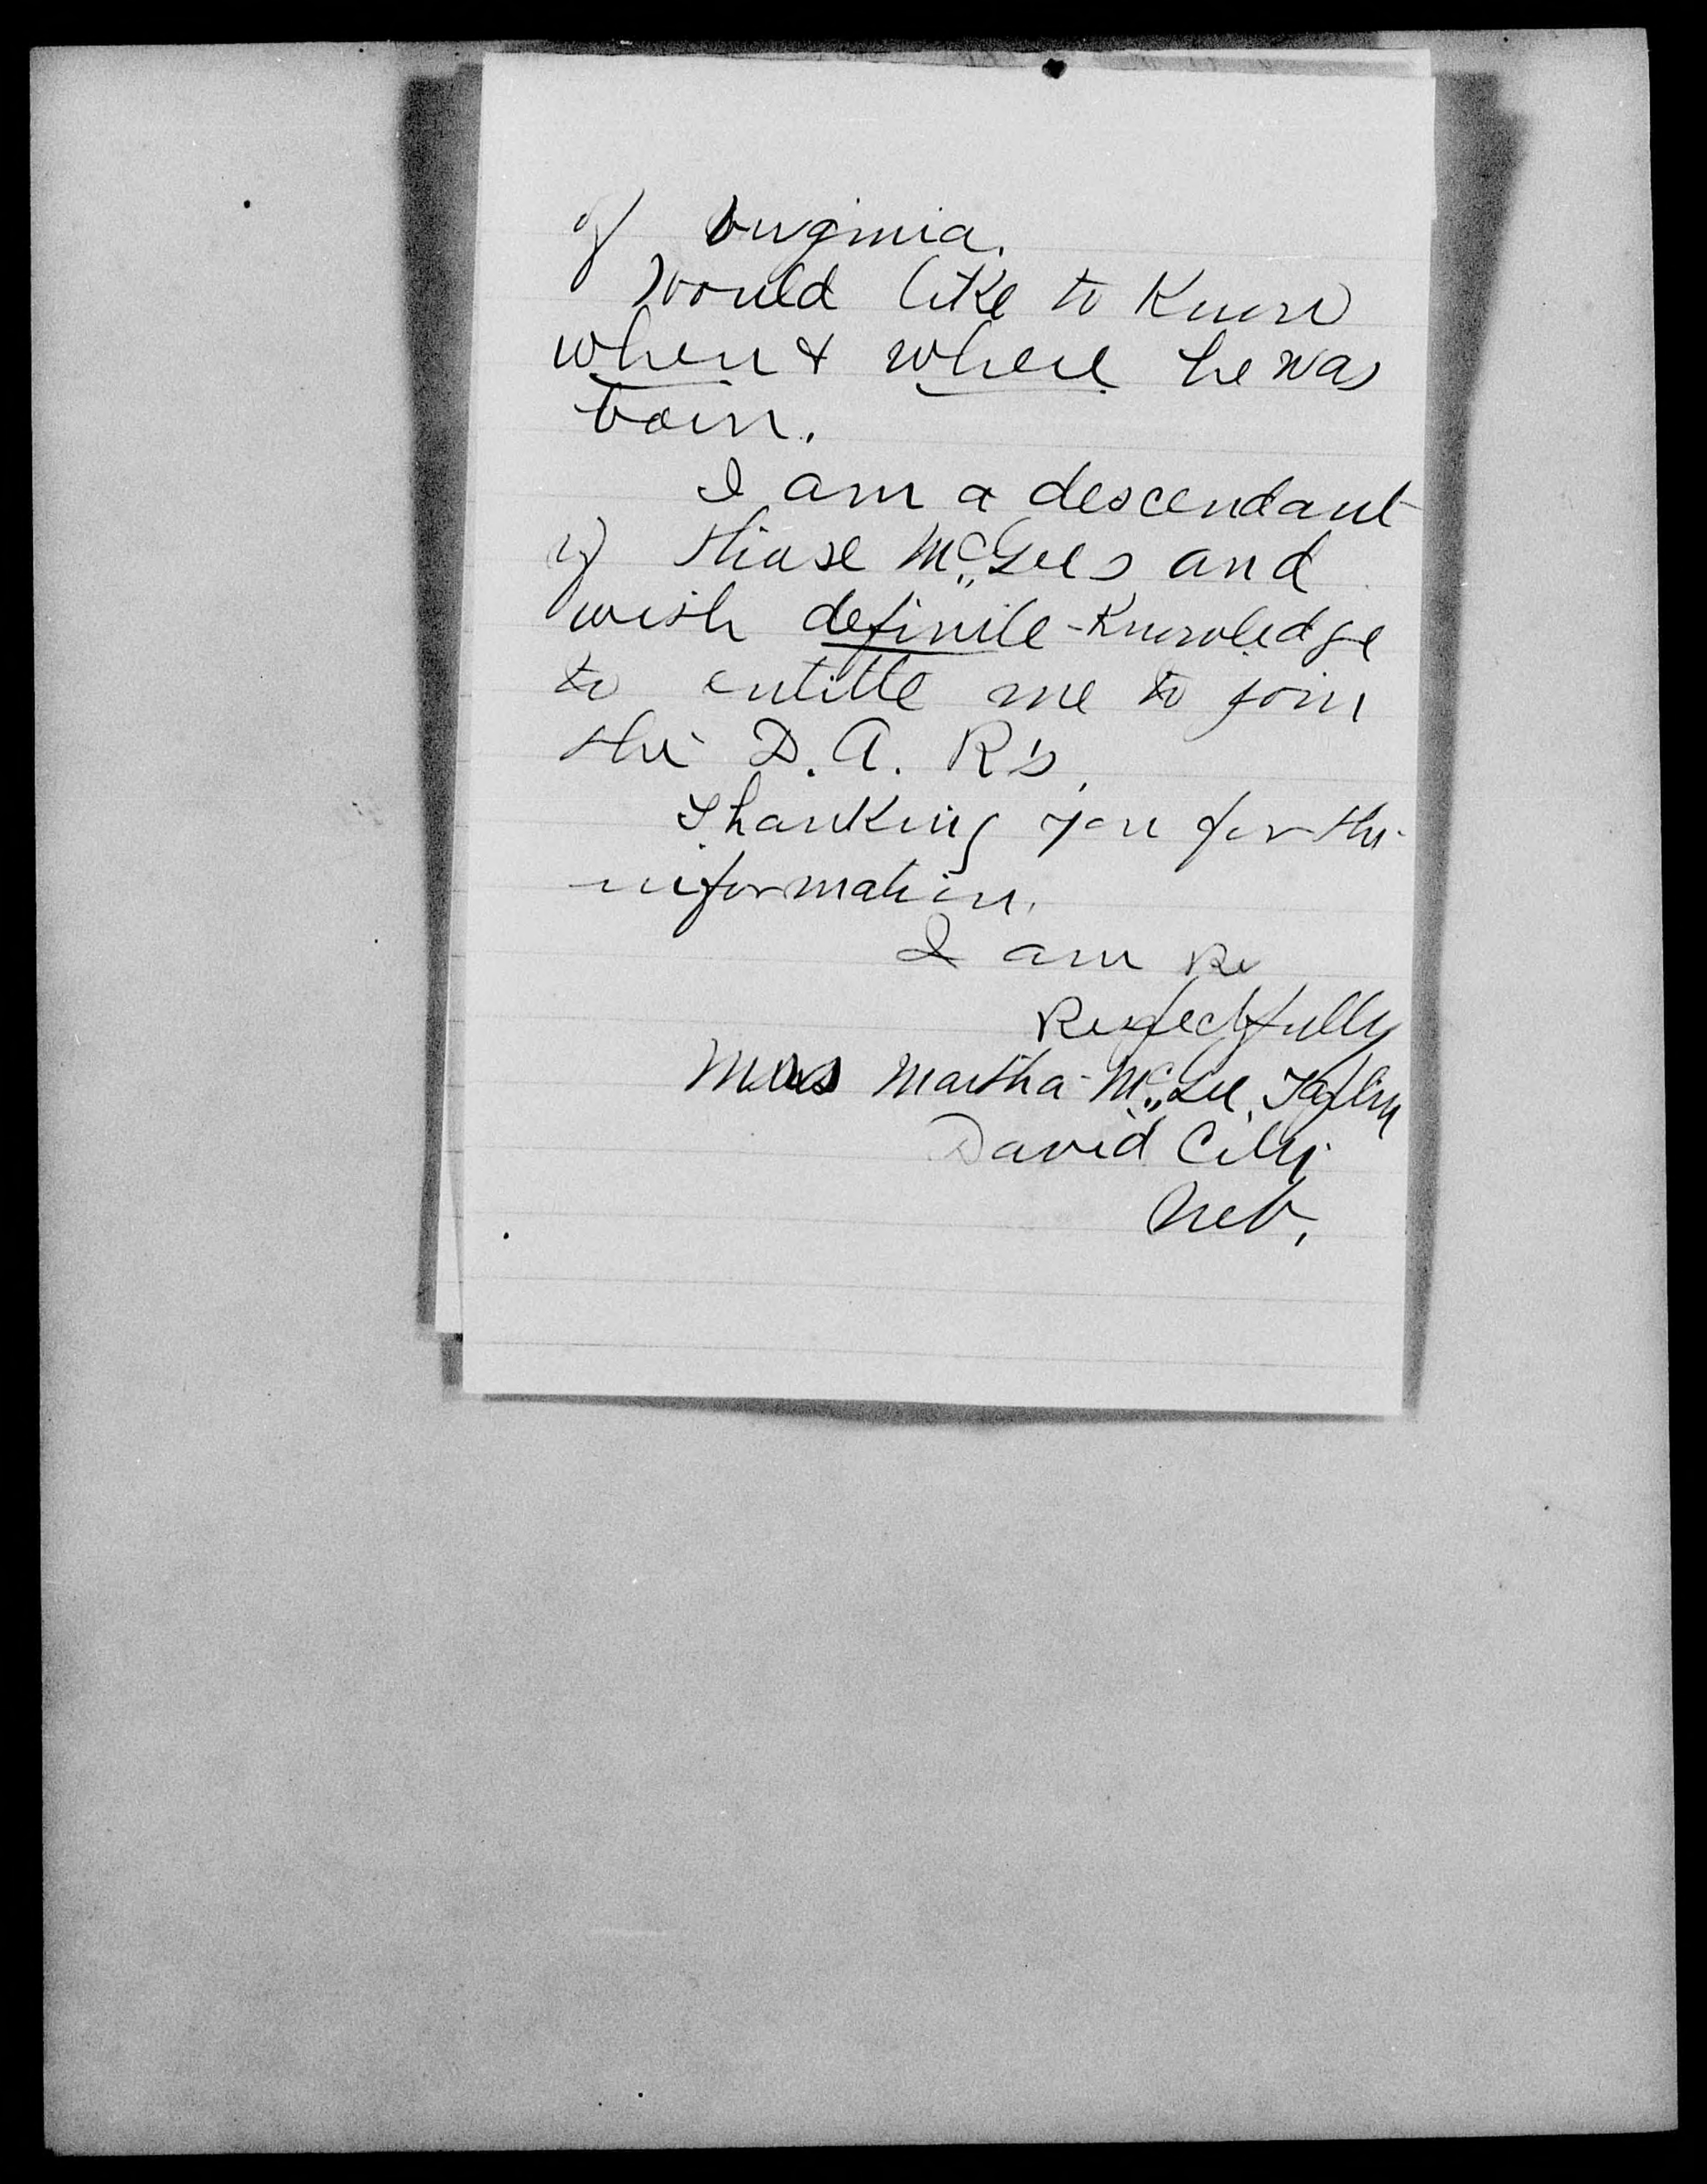(cont'd letter info on James & Thomas McGee)

of Virginia.

Would like to know when & where he was born.

I am a descendant of those McGee's and wish definite knowledge to entitle one to join the D.A.R.'s

Thanking you for this information.

I am respectfully
Mrs. Martha McGee Taflin(?)

David City Neb.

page: 69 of 77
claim: widow's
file: W 2954, for James Mc Gee, Delaware